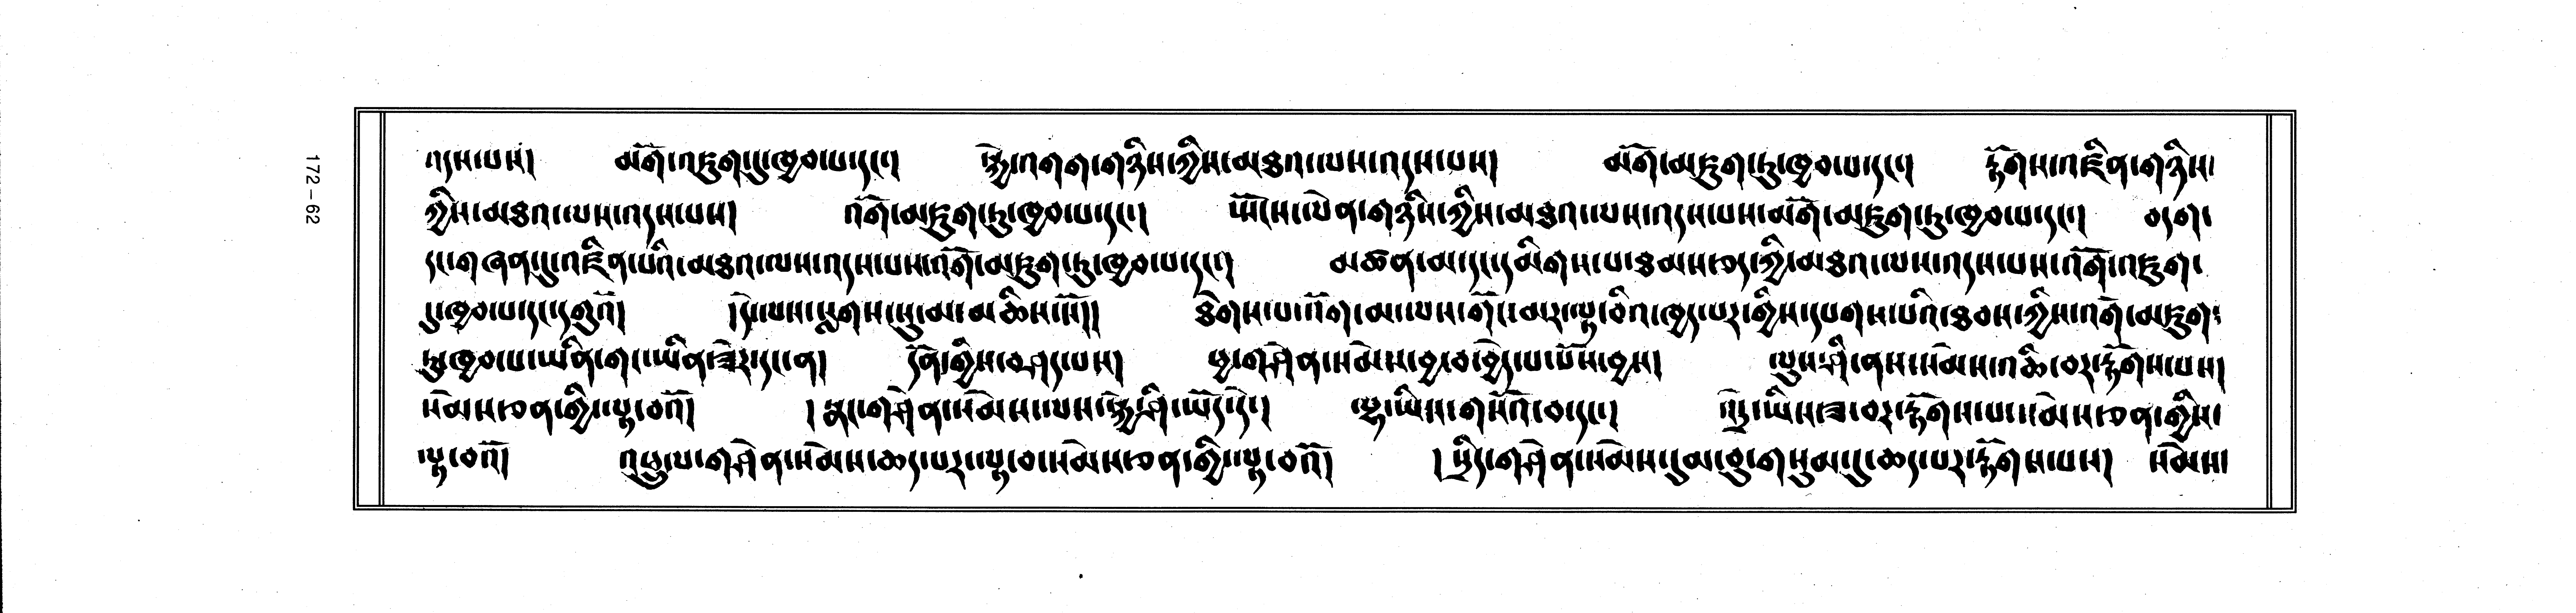འདས་པས། མགོ་འཇུག་དུ་ཁྱབ་པ་དང་། སྐྱེ་འགག་གཉིས་ཀྱིས་མཐའ་ལས་འདས་པས། མགོ་མཇུག་ཏུ་ཁྱབ་པ་དང་། རྟོགས་འཛིན་གཉིས་
ཀྱིས་མཐའ་ལས་འདས་པས་མགོ་མཇུག་ཏུ་ཁྱབ་པ་དང་། སྤོངས་ལེན་གཉིས་ཀྱིས་མཐའ་ལས་འདས་པས་མགོ་མཇུག་ཏུ་ཁྱབ་པ་དང་། བདག་
དང་གཞན་དུ་འཛིན་པའི་མཐའ་ལས་འདས་པས་མགོ་མཇུག་ཏུ་ཁྱབ་པ་དང་། མཚན་མ་དང་དམིགས་པ་ཐམས་ཅད་ཀྱི་མཐའ་ལས་འདས་པས་མགོ་འཇུག་
དུ་ཁྱབ་པ་དང་དགུའོ། དེ་ལས་སླགས་སུ་མ་མཆིས་སོ། ཐེགས་པ་འོག་མ་ལས་གོང་མར་ལྟ་བའི་ཁྱད་པར་གྱིས་དཔགས་པའི་ཐབས་ཀྱིས་མགོ་མཇུག་
ཏུ་ཁྱབ་པ་ཡིན་གང་ཡིན་ཟེར་དང་ན། དོན་གྱིས་བཤད་པས། ཕྱ་གཤེན་སེམས་བྱ་བ་བྱེད་པ་པོས་བྱས། ལུས་ཤི་ནས་སེམས་འཆི་བར་རྟོགས་པས། 
སེམས་ཅན་གྱི་ལྟ་བའོ། སྣང་གཤེན་སེམས་ལས་སྐྱེ་ཤི་ཡོད་དེ། ལྷ་ཡིས་གསོའ་བ་དང་། འདྲེ་ཡིས་ཟ་བར་རྟོགས་པ་སེམས་ཅན་གྱིས་
ལྟ་བའོ། འཕྲུལ་གཤེན་སེམས་ཆད་པར་ལྟ་བ་སེམས་ཅན་གྱི་ལྟ་བའོ། སྲིད་གཤེན་སེམས་དུམ་བུ་གསུམ་དུ་ཆད་པར་རྟོགས་པས། སེམས་